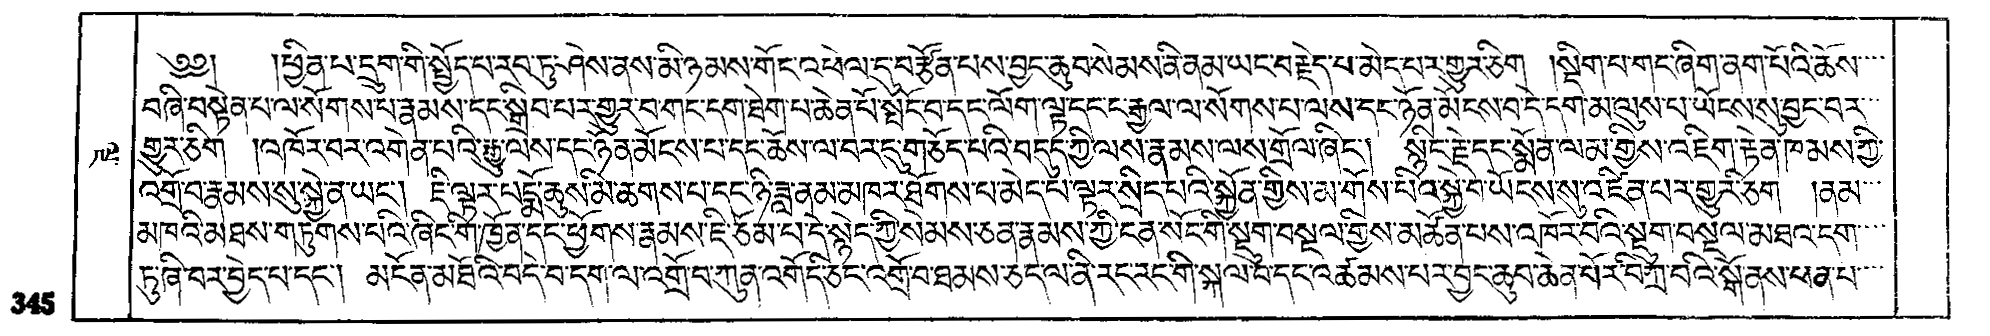༄༅། །ཕྱིན་པ་དྲུག་གི་སྤྱོད་པ་རབ་ཏུ་ཤེས་ནས་མི་ཉམས་གོང་འཕེལ་དུ་བརྩོན་པས་བྱང་ཆུབ་སེམས་ནི་ནམ་ཡང་བརྗེད་པ་མེད་པར་གྱུར་ཅིག །སྡིག་པ་གང་ཞིག་ནག་པོའི་ཆོས་
བཞི་བསྟེན་པ་ལ་སོགས་པ་རྣམས་དང་སྒྲིབ་པར་གྱུར་བ་གང་དག་ཐེག་པ་ཆེན་པོ་སྤོང་བ་དང་ལོག་ལྟ་དང་ང་རྒྱལ་ལ་སོགས་པ་ལས་དང་ཉོན་མོངས་བ་དེ་དག་མ་ལུས་པ་ཡོངས་སུ་བྱང་བར་
གྱུར་ཅིག །འཁོར་བར་འགེན་པའི་རྒྱུ་ལས་དང་ཉོན་མོངས་པ་དང་ཆོས་ལ་བར་དུ་གཅོད་པའི་བདུད་ཀྱི་ལས་རྣམས་ལས་གྲོལ་ཞིང་། སྙིང་རྗེ་དང་སྨོན་ལམ་གྱིས་འཇིག་རྟེན་ཁམས་ཀྱི་
འགྲོ་བ་རྣམས་སུ་སྐྱེ་ན་ཡང་། ཇི་ལྟར་པདམོ་ཆུས་མི་ཆགས་པ་དང་ཉི་ཟླ་ནམ་མཁར་ཐོགས་པ་མེད་པ་ལྟར་སྲིད་པའི་སྐྱོན་གྱིས་མ་གོས་པའི་སྐྱེ་པ་ཡོངས་སུ་འཛིན་པར་གྱུར་ཅིག །ནམ་
མཁའི་མཐས་གཏུགས་པའི་ཞིང་གི་ཁྱོན་དང་ཕྱོགས་རྣམས་ཇི་ཅོམ་པ་དེ་སྙེད་ཀྱི་སེམས་ཅན་རྣམས་ཀྱི་ངན་སོང་གི་སྡུག་བསྔལ་གྱིས་མཚོན་པས་འཁོར་བའི་སྡུག་བསྔལ་མཐའ་དག་
ཏུ་ཞི་བར་བྱེད་པ་དང་། མངོན་མཐོའི་བདེ་བ་དག་ལ་འགྲོ་བ་ཀུན་འགོད་ཅིང་འགྲོ་བ་ཐམས་ཅད་ལ་ནི་རང་རང་གི་སྐལ་བ་དང་འཚམས་པར་བྱང་ཆུབ་ཆེན་པོར་བཀྲི་བའི་སྒོ་ནས་ཕན་པ་